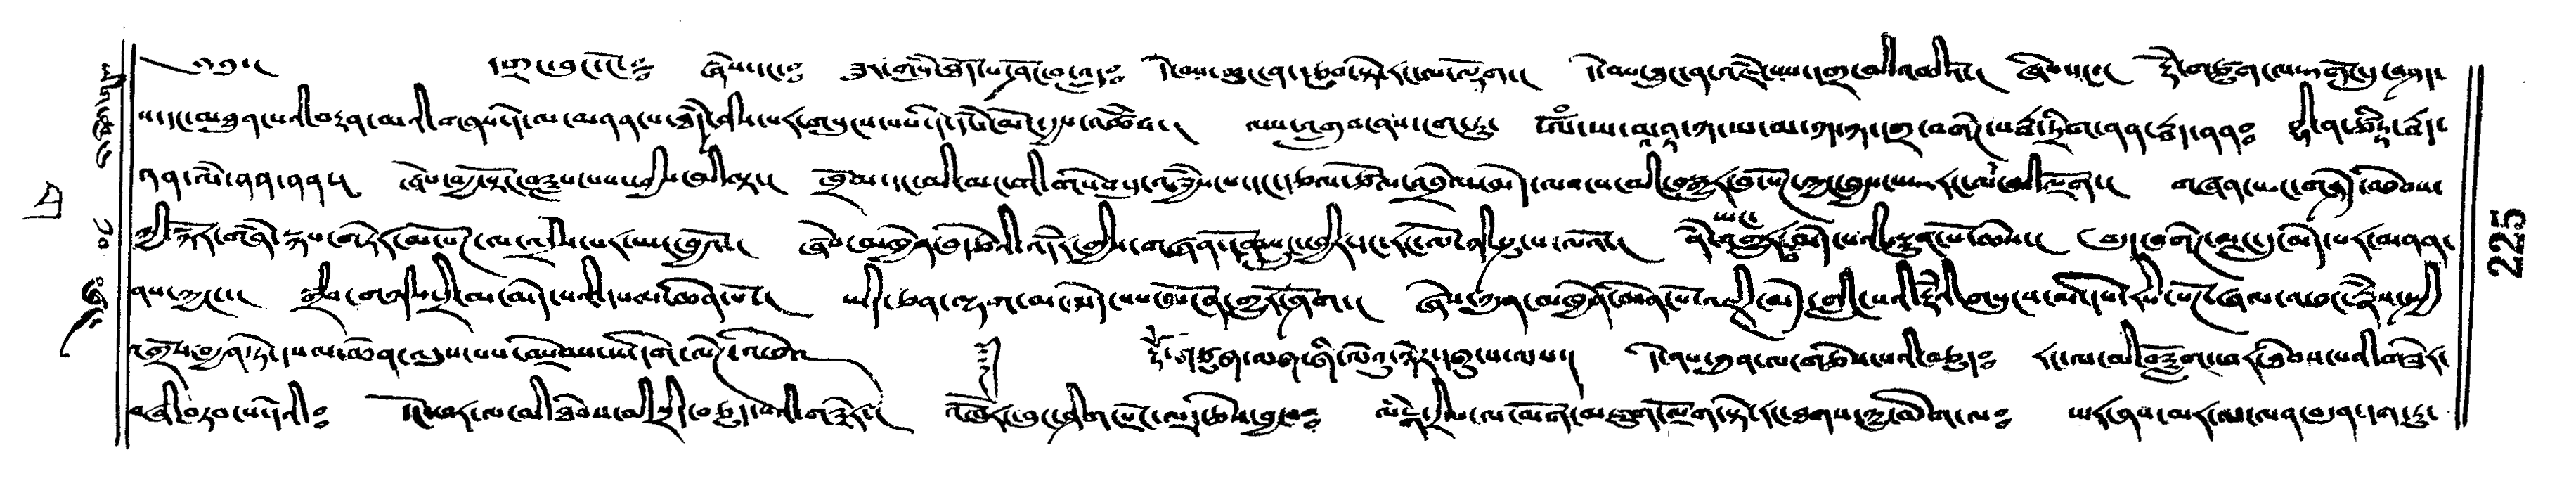དགྲ་ཕུང་ངོ་། ཞེས་དང་། ཟུར་གསུམ་ཐོད་པ་ཤོང་བ་འདྲུ། །དེ་བས་ཆུང་ན་རྩུབ་སྟེ་རང་ལ་ལྡོག །དེ་བས་ཐུང་ན་འཇམ་པས་དགྲ་མི་འཆིའོ། ཞེས་དང་། རྡོ་རྗེ་གཙུག་ལག་གི་གོང་དུ་བཤད་
པ་དང་མཐུན་པའི་བརྟན་མའི་གནས་དེ་ལ་མནན་པ་ཐམས་ཅད་ཤིས་པར་གསུུངས་པས་དེ་ཙམ་རྒྱས་བསྡུས་འཚམས། ལས་གྲུབ་ནས་ངག་ཏུ། ཨོཾ་ཡ་མཱནྟ་ཀ་ཡ་མ་ཀ་ཀ་དགྲ་བགེགས་སརྦ་ཏྲིག་ནན་རྦད་ནན༔ བྷི་ན་ཙཏྟ་རྦད་
ནན་ལམ་ནན་ནན༔ ཞེས་བརྒྱ་སྟོང་བཟླས་པས་ཕྱིར་མི་ལྟ། ཁྲོམ་དང་མི་མང་གི་གསེབ་ཏུ་འཁྱམས་པ་དང་རྩལ་རྩོལ་འབྲེལ་མེད་ལབ་པ། མིང་བསྒྱུར་བ་སོགས་ཀྱང་བྱས་པས་རང་ལ་མི་ལྡོག གཞན་ཡང་གཤེད་འབེབས་
ཀྱི་སྐོར་གནམ་སྐས་གཏེར་མ་སོགས་ལ་འདྲིས་པར་ཡང་བྱའོ། ཞེས་གསུངས་པ་ལྟར་རོ། ནམ་ཡང་འགྱུར་བ་མེད་པའི་ལྷུན་པོ་ཆེས། །བདུད་བགེགས་ལྡང་དུ་མེད་པར་མནན་
ནས་ཀྱང་། །སྒྲིབ་གཉིས་དྲི་མ་མེད་པའི་དཔལ་ཆེན་པོ། །ཡིད་ཅན་ལྷག་མ་མེད་པས་མངོན་གྱུར་ཤོག། ཞཻས་ཀུན་མཁྱེན་ཆེན་པོ་འཇིགས་མེད་གླིང་པའི་རྡོ་རྗེའི་གསུང་དང་དཔེ་རིས་སོགས་ཞལ་འཕང་རྣམས་སྤྱི་
འགྲོས་བརྒྱན་ཏེ་དཔལ་ཆེན་འདུས་པས་བསྡེབས་པ་དགེ་ལེགས་འཕེལ།། ༈ རྡོ་རྗེ་གཙུག་ལག་གི་ལེའུ་ཉེར་དགུ་པ་ལས། དེ་ནས་ཀུན་ལ་གཅེས་པའི་བཅུད། རང་ལ་མི་བཟློག་ཕར་ཐེབས་པའི་གཟེར་
བཞི་བཏབ་པ་དེའི་དང་པོ། ཕར་ལ་མི་ཐེབས་མི་སྲིད་བཅུད་པའི་གཟེར། འཁོར་ལོ་ཕུང་ཤིག་སྡོང་ལྡད་ཅེས་བྱ་པ། ལིངྒ་དྲིལ་ལ་མགོ་མཇུག་ལྡོག་སྟེ་རང་ཐག་ཀྱུ་མིག་ལ་ཡར་ནས་མར་ལ་ལན་བདུན་དག་ཏུ་